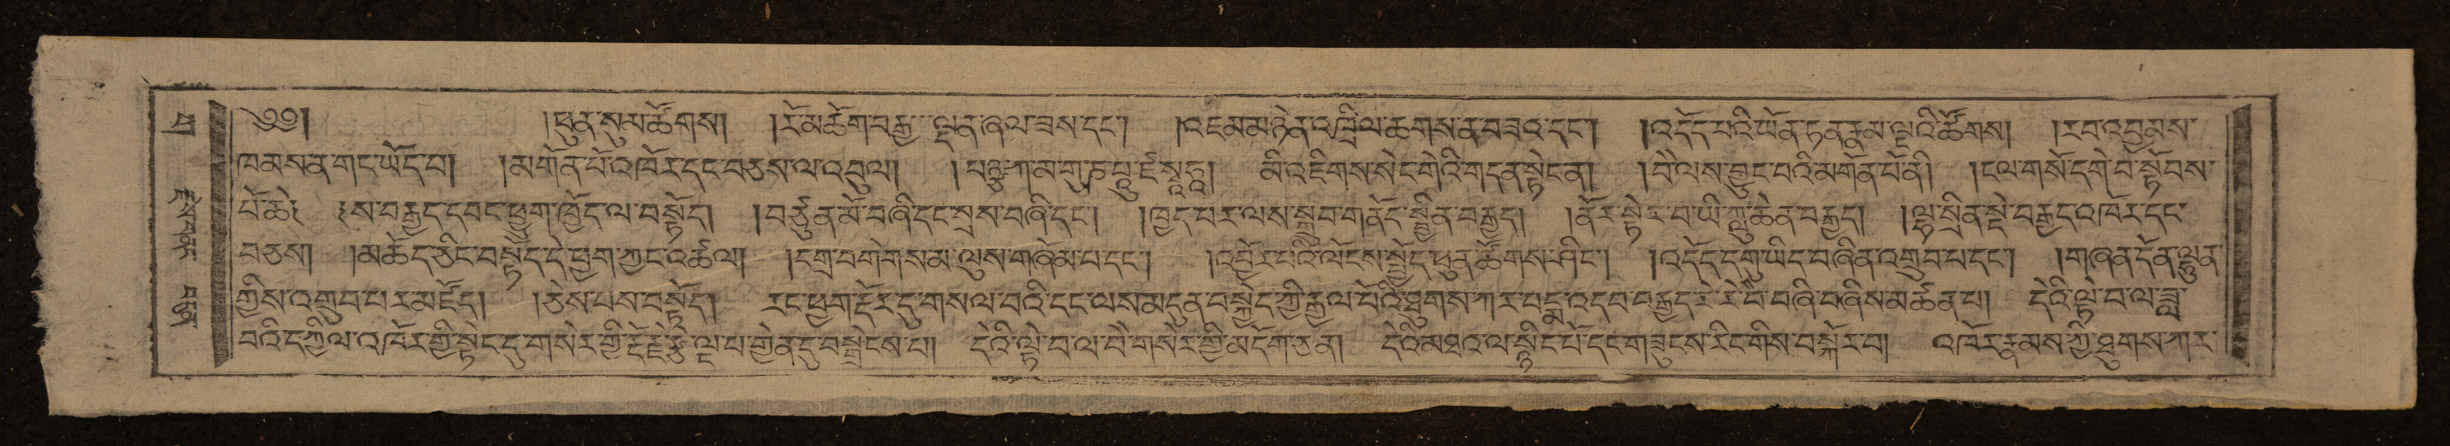༄༅། །ཕུན་སུམ་ཚོགས། །རོ་མཆོག་བརྒྱ་ལྡན་ཞལ་ཟས་དང་། །འཇམ་མཉེན་འཁྲིལ་ཆགས་ན་བཟའ་དང་། །འདོད་པའི་ཡོན་ཏན་རྣམ་ལྔའི་ཚོགས། །རབ་འབྱམས་
ཁམས་ན་གང་ཡོད་པ། །མགོན་པོ་འཁོར་དང་བཅས་ལ་འབུལ། །པཉྩ་ཀ་མ་གུ་ཎ་པཱུ་ཛ་སྭཱཧཱ། མི་འཇིགས་སེང་གེའི་གདན་སྟེང་ན། །བཻ་ལས་བྱུང་བའི་མགོན་པོ་ནི། །ངལ་གསོ་དགེ་བ་སྟོབས་
པོ་ཆེ༑ ༑ས་བརྒྱད་དབང་ཕྱུག་ཁྱོད་ལ་བསྟོད། །བཙུན་མོ་བཞི་དང་སྲས་བཞི་དང་། །ཁྱད་པར་ལས་སྒྲུབ་གནོད་སྦྱིན་བརྒྱད། །ནོར་སྟེར་བ་ཡི་ཀླུ་ཆེན་བརྒྱད། །ལྷ་སྲིན་སྡེ་བརྒྱད་འཁོར་དང་
བཅས། །མཆོད་ཅིང་བསྟོད་དེ་ཕྱག་ཀྱང་འཚལ། །དགྲ་བགེགས་མ་ལུས་གཞོམ་པ་དང་། །འབྱོར་པའི་ལོངས་སྤྱོད་ཕུན་ཚོགས་ཤིང་། །འདོད་དགུ་ཡིད་བཞིན་འགྲུབ་པ་དང་། །གཞན་དོན་ལྷུན་
གྱིས་འགྲུབ་པར་མཛོད། །ཅེས་པས་བསྟོད། རང་ཕྱག་རྡོར་དུ་གསལ་བའི་ངང་ལས་མདུན་བསྐྱེད་ཀྱི་རྒྱལ་པོའི་ཐུགས་ཀར་པདམ་འདབ་བརྒྱད་རེ་རེ་བཻ་བཞི་བཞིས་མཚན་པ། དེའི་ལྟེ་བ་ལ་ཟླ་
བའི་དཀྱིལ་འཁོར་གྱི་སྟེང་དུ་གསེར་གྱི་རྡོ་རྗེ་རྩེ་ལྔ་པ་གྱེན་དུ་བསྒྲེངས་པ། དེའི་ལྟེ་བ་ལ་བཻ་གསེར་གྱི་མདོག་ཅན། དེའི་མཐའ་ལ་སྙིང་པོ་དང་གཟུངས་རིང་གིས་བསྐོར་བ། འཁོར་རྣམས་ཀྱི་ཐུགས་ཀར་